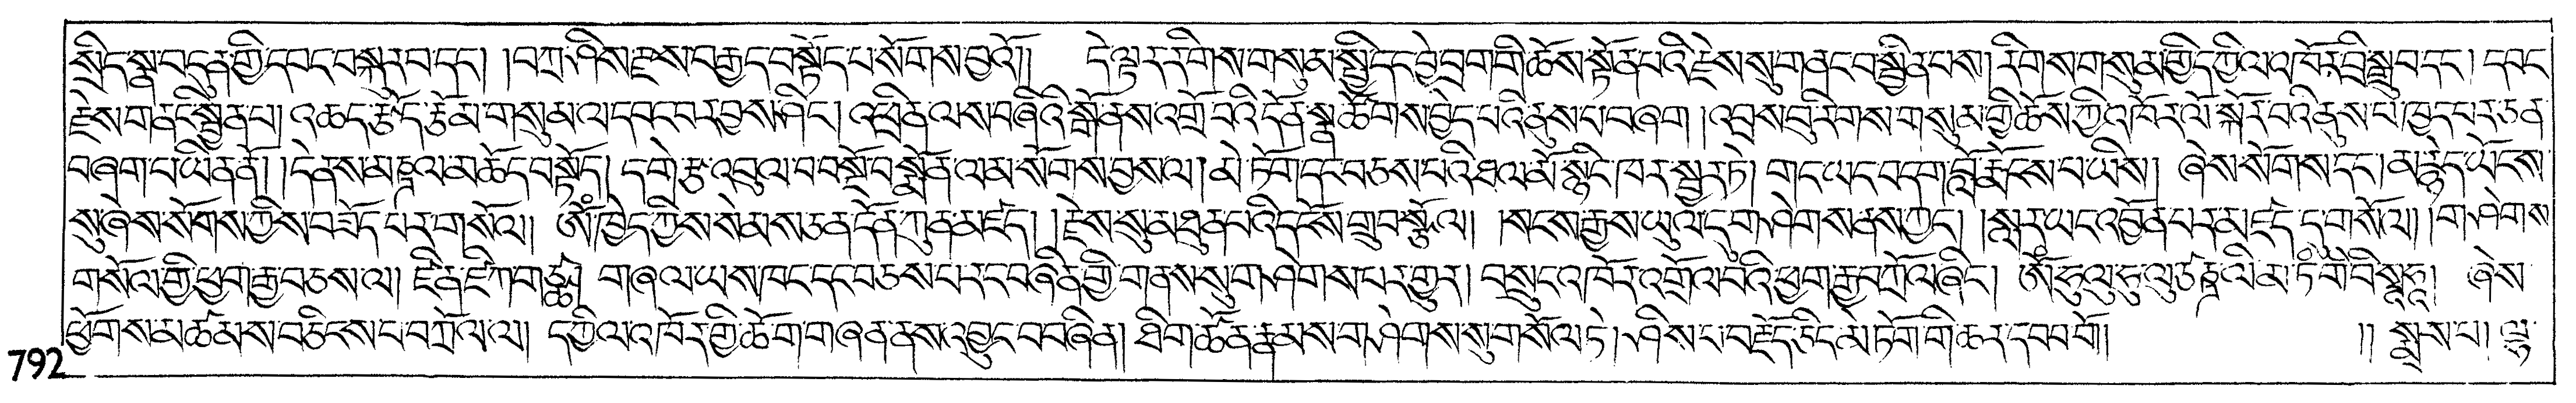སྲིད་སྣ་བདུན་གྱི་དབང་བསྐུར་བ་དང་། །བཀྲ་ཤིས་རྫས་བརྒྱད་བསྟོད་པ་སོགས་བྱའོ།། དེ་ལྟར་རིགས་གསུམ་སྤྱི་དང་བྱེ་བྲག་གི་ཆོས་སྟོན་པའི་རྗེས་སུ་གནང་བ་སྦྱིན་པས། རིགས་གསུམ་གྱི་དཀྱིལ་འཁོར་བྲི་སྒྲུབ་དང་། དབང་
རྗེས་གནང་སྦྱིན་པ། འཆད་རྩོད་རྩོམ་གསུམ་ལ་དབང་བར་བྱས་ཤིང་། འཕྲིན་ལས་བཞིའི་སྒོ་ནས་འགྲོ་བའི་དོན་སྣ་ཚོགས་བྱེད་པའི་ནུས་པ་བཞག །འབྲས་བུ་རིགས་གསུམ་གྱི་ཆོས་ཀྱི་འཁོར་ལོ་སྐོར་བའི་ནུས་པ་ཁྱད་པར་ཅན་
བཞག་པ་ཡིན་ནོ། །དེ་ནས་མཎྜལ་མཆོད་བསྟོད། དགེ་རྩ་འབུལ་བ་བསྔོ་བ་སྨོན་ལམ་སོགས་བྱས་ལ། མེ་ཏོག་དང་བཅས་པའི་ཐལ་མོ་སྙིང་ཁར་སྦྱར་ཏེ། གང་ཡང་བདག་བློ་རྨོངས་པ་ཡིས། ཞེས་སོགས་དང་། མ་རྙེད་ཡོངས་
སུ་ཞེས་སོགས་ཀྱིས་བཟོད་པར་གསོལ། ཨོཾ་ཁྱེད་ཀྱིས་སེམས་ཅན་དོན་ཀུན་མཛད། །རྗེས་སུ་མཐུན་པའི་དངོས་གྲུབ་སྩོལ། །སངས་རྒྱས་ཡུལ་དུ་གཤེགས་ནས་ཀྱང་། །སླར་ཡང་འབྱོན་པར་མཛད་དུ་གསོལ། །གཤེགས་
གསོལ་གྱི་ཕྱག་རྒྱ་བཅས་ལ། ཛི་ན་ཛི་ཀ་གཙྪ། གཞལ་ཡས་ཁང་དང་བཅས་པ་རང་བཞིན་གྱི་གནས་སུ་གཤེགས་པར་གྱུར། བསྲུང་འཁོར་འགྲོལ་བའི་ཕྱག་རྒྱ་བཀྲོལ་ཞིང་། ཨོཾ་ཧུ་ལུ་ཧུ་ལུ་ཙཎྜ་ལི་མ་ཏཾ་གི་བི་སྭཱཧཱ། ཞེས་
ཕྱོགས་མཚམས་བཅིངས་པ་བཀྲོལ་ལ། དཀྱིལ་འཁོར་གྱི་ཆོ་ག་གཞན་ནས་འབྱུང་བ་བཞིན། ཐིག་ཚོན་རྣམས་གཤེགས་སུ་གསོལ་ཏེ། ཤིས་པ་བརྗོད་ཅིང་མེ་ཏོག་གི་ཆར་དབབ་བོ།། །།སྨྲས་པ། ལྷ་